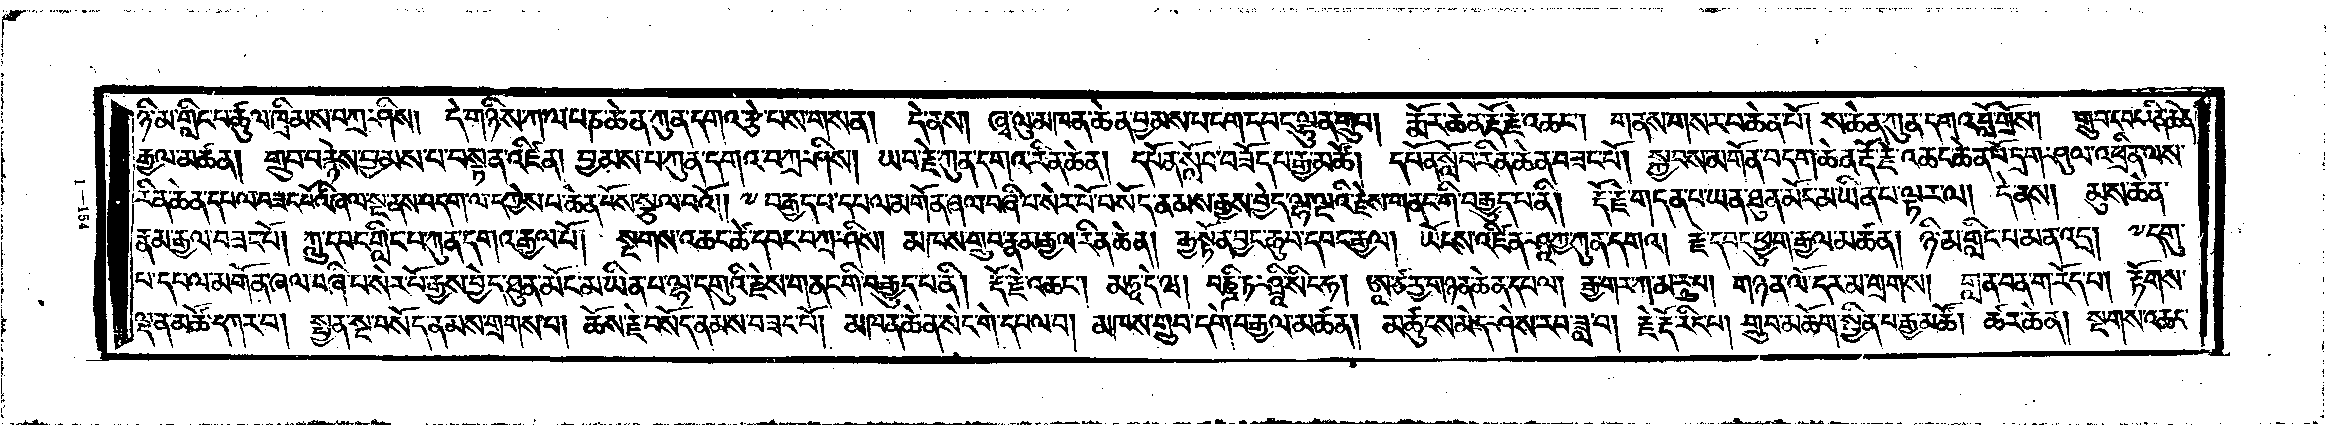ཉི་མ་གླིང་པ་ཚུལ་ཁྲིམས་བཀྲ་ཤིས། དེ་གཉིས་ཀ་ལ་པཎ་ཆེན་ཀུན་དགའ་རྩེ་བས་གསན། དེ་ནས། ཞྭ་ལུ་མཁན་ཆེན་བྱམས་པ་ངག་དབང་ལྷུན་གྲུབ། རྨོར་ཆེན་རྡོ་རྗེ་འཆང་། གནས་གསར་བ་ཆེན་པོ། ས་ཆེན་ཀུན་དགའ་བློ་གྲོས། གྲུབ་དབང་རིན་ཆེན་
རྒྱལ་མཚན། གྲུབ་བརྙེས་བྱམས་པ་བསྟན་འཛིན། བྱམས་པ་ཀུན་དགའ་བཀྲ་ཤིས། ཡབ་རྗེ་ཀུན་དགའ་རིན་ཆེན། དཔོན་སློབ་བཟོད་པ་རྒྱ་མཚོ། དཔོན་སློབ་རིན་ཆེན་བཟང་པོ། སྐྱབས་མགོན་བདག་ཆེན་རྡོ་རྗེ་འཆང་ཆེན་པོ་དྲག་ཤུལ་འཕྲིན་ལས་
རིན་ཆེན་དཔལ་བཟང་པོའི་ཞལ་སྔ་ནས་བདག་ལ་དགྱེས་པ་ཆེན་པོས་སྩལ་བའོ།། ༧བརྒྱད་པ་དཔལ་མགོན་ཞལ་བཞི་པ་སེར་པོ་བསོད་ནམས་རྒྱས་བྱེད་ལྷ་ལྔའི་རྗེས་གནང་གི་བརྒྱུད་པ་ནི། རྡོ་རྗེ་གདན་པ་ཡན་ཐུན་མོང་མ་ཡིན་པ་ལྟར་ལ། དེ་ནས། མུས་ཆེན་
རྣམ་རྒྱལ་བཟང་པོ། ཀླུ་དབང་གླིང་པ་ཀུན་དགའ་རྒྱལ་པོ། སྔགས་འཆང་ཚེ་དབང་བཀྲ་ཤིས། མཁས་གྲུབ་རྣམ་རྒྱལ་རིན་ཆེན། རྒྱ་སྟོན་བྱང་ཆུབ་དབང་རྒྱལ། ཡོངས་འཛིན་ཤཱཀྱ་ཀུན་དགའ། རྗེ་དབང་ཕྱུག་རྒྱལ་མཚན། ཉི་མ་གླིང་པ་མན་འདྲ། ༧དགུ་
པ་དཔལ་མགོན་ཞལ་བཞི་པ་སེར་པོ་རྒྱས་བྱེད་ཐུན་མོང་མ་ཡིན་པ་ལྷ་དགུའི་རྗེས་གནང་གི་བརྒྱུད་པ་ནི། རྡོ་རྗེ་འཆང་། མཧཱ་དེ་ཝ། པཎྜི་ཏ་ཤྲཱི་སིང་ཧ། ཨཱ་ཙ་རྱ་གཉན་ཆེན་དཔལ། རྒྱ་གར་ཀ་མ་རཱུ་པ། གཉན་ལོ་དར་མ་གྲགས། གླན་བན་ག་རོད་པ། རྟོགས་
ལྡན་མཚོ་དཀར་པ། སྤྱན་སྔ་བསོད་ནམས་གྲགས་པ། ཆོས་རྗེ་བསོད་ནམས་བཟང་པོ། མཁན་ཆེན་སེང་གེ་དཔལ་བ། མཁས་གྲུབ་དགེ་བ་རྒྱལ་མཚན། མཚུངས་མེད་ཤེས་རབ་ཟླ་བ། རྗེ་རྡོ་རིང་པ། གྲུབ་མཆོག་སྦྱིན་པ་རྒྱ་མཚོ། ཚར་ཆེན། སྔགས་འཆང་